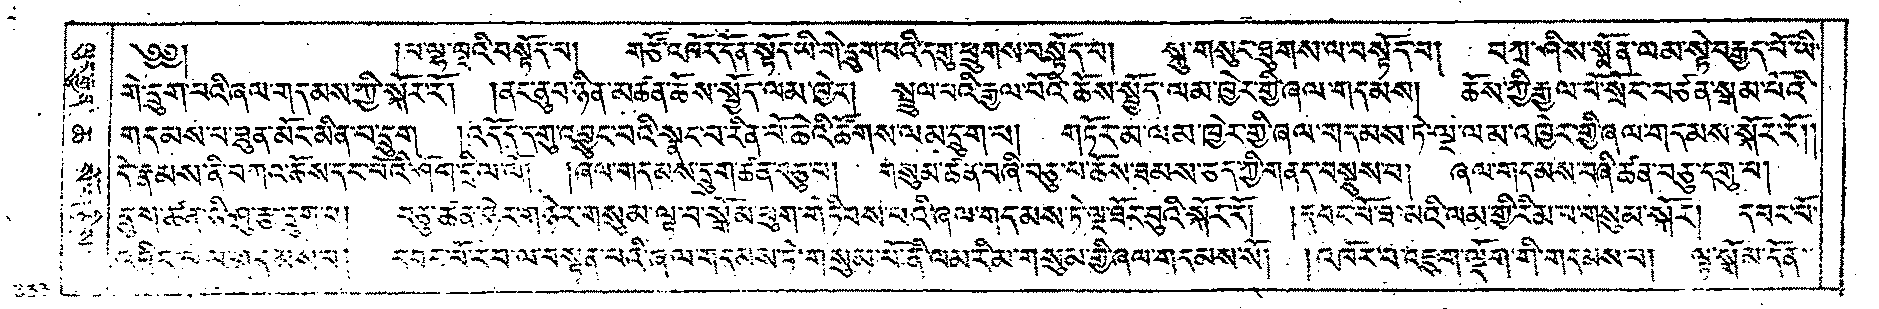༄༅། །པ་ལྷ་ལྔའི་བསྟོད་པ། གཙོ་འཁོར་དོན་སྟོད་ཡི་གེ་དྲུག་པའི་དགུ་ཕྲུགས་བསྟོད་པ། སྐུ་གསུང་ཐུགས་ལ་བསྟོད་པ། བཀྲ་ཤིས་སྨོན་ལམ་སྟེ་བརྒྱད་པོ་ཡི་
གེ་དྲུག་པའི་ཞལ་གདམས་ཀྱི་སྐོར་རོ། །ནང་ནུབ་ཉིན་མཚན་ཆོས་སྤྱོད་ལམ་ཁྱེར། སྤྲུལ་པའི་རྒྱལ་པོའི་ཆོས་སྤྱོད་ལམ་ཁྱེར་གྱི་ཞལ་གདམས། ཆོས་ཀྱི་རྒྱལ་པོ་སྲོང་བཙན་སྒམ་པོའི་
གདམས་པ་ཐུན་མོང་མིན་པ་དྲུག །འདོད་དགུ་འབྱུང་བའི་སྣང་བ་རིན་པོ་ཆེའི་ཚོགས་ལམ་དྲུག་པ། གཏོར་མ་ལམ་ཁྱེར་གྱི་ཞལ་གདམས་ཏེ་ལྔ་ལམ་འཁྱེར་གྱི་ཞལ་གདམས་སྐོར་རོ། །
དེ་རྣམས་ནི་བཀའ་ཆོས་དང་པོའི་ཤོག་དྲིལ་ལོ། །ཞལ་གདམས་དྲུག་ཚན་བཅུ་པ། གསུམ་ཚན་བཞི་བཅུ་པ་ཆོས་ཐམས་ཅད་ཀྱི་གནད་བསྡུས་པ། ཞལ་གདམས་བཞི་ཚན་བཅུ་དགུ་པ།
དྲུག་ཚན་ཉི་ཤུ་རྩ་དྲུག་པ། བཅུ་ཚན་ཉེར་གཉེར་གསུམ་ལྟ་བ་སྒོམ་ཕུག་གཏིབས་པའི་ཞལ་གདམས་ཏེ་ལྔ་ཐོར་བུའི་སྐོར་རོ། །དབང་པོ་ཐ་མའི་ལམ་གྱི་རིམ་པ་གསུམ་སྐོར། དབང་པོ་
འབྲིང་པོ་ལ་གདམས་པ། དབང་པོ་རབ་ལ་བསྟན་པའི་ཞལ་གདམས་ཏེ་གསུམ་པོ་ནི་ལམ་རིམ་གསུམ་གྱི་ཞལ་གདམས་སོ། །འཁོར་བ་འཇུག་ལྡོག་གི་གདམས་པ། ལྟ་སྒོམ་དོན་